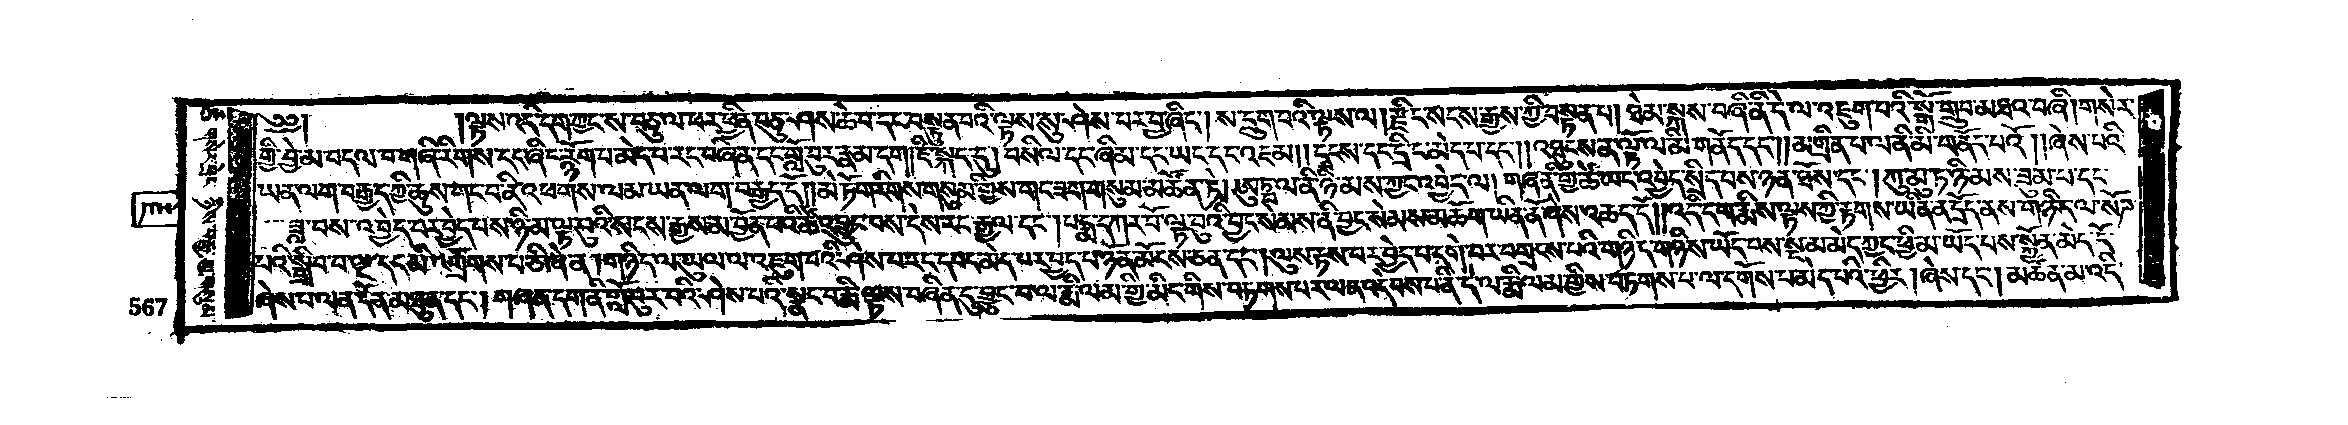༄༅། །ལྟས་འདི་དག་ཀྱང་ས་བཅུ་ལ་ཕར་ཕྱིན་བཅུ་ཤས་ཆེ་བ་དང་བསྟུན་པའི་ལྟས་སུ་ཤེས་པར་བྱ་ཞིང་། ས་དྲུག་པའི་ལྟས་ལ། རྫིང་སངས་རྒྱས་ཀྱི་བསྟན་པ། ཐེམ་སྐས་བཞི་ནི་དེ་ལ་འཇུག་པའི་སྒོ་གྲུབ་མཐའ་བཞི། གསེར་
གྱི་བྱེ་མ་བདལ་བ་གཞི་རིགས་དང་ཞིང་རྙོག་པ་མེད་པ་རང་བཞིན་དང་གློ་བུར་རྣམ་དག །ཇི་སྐད་དུ། བསིལ་དང་ཞིམ་དང་ཡང་དང་འཇམ། །དྭངས་དང་དྲི་ང་མེད་པ་དང་། །འཐུངས་ན་ལྟོ་ལ་མི་གནོད་དང་། །མགྲིན་པ་ལ་ནི་མི་གནོད་པའོ། །ཞེས་པའི་
ཡན་ལག་བརྒྱད་ཀྱི་ཆུས་གང་བ་ནི་འཕགས་ལམ་ཡན་ལག་བརྒྱད་དོ། །མེ་ཏོག་རིགས་གསུམ་གྱིས་གང་ཟག་གསུམ་མཚོན་ཏེ། ཨུཏྤལ་ནི་ཉི་མས་ཀྱང་འབྱེད་ལ། གཞན་གྱི་ཚེ་ཡང་འབྱེད་སྲིད་པས་ཉན་ཐོས་དང་། ཀུ་མུ་ཏ་ཉི་མས་ཟུམ་པ་དང་
ཟླ་བས་འབྱེད་པར་བྱེད་པས་ཉི་མ་ལྟ་བུའི་སངས་རྒྱས་མ་བྱོན་པའི་ཚེ་འབྱུང་བས་དེས་རང་རྒྱལ་དང་། པདམ་དཀར་པོ་ལྟ་བུའི་བྱང་སེམས་ནི་བྱང་སེམས་མཆོག་ཡིན་ནོ་ཞེས་འཆད་དོ། །འདི་དག་རྨིས་ལྟས་ཀྱི་རྟགས་ཡིན་ན་དྲོད་ནས་གཉིད་ལ་སོགས་
པའི་སྒྲིབ་པ་ལྔ་དང་མི་འགྲོགས་པ་ཅི་ཞེ་ན། གཉིད་ལ་ཡུལ་ལ་འཇུག་པའི་ཤེས་པ་རང་དབང་མེད་པར་བྱེད་པ་ཉོན་མོངས་ཅན་དང་། ལུས་རྟས་པར་བྱེད་པ་དགེ་བར་བགྲངས་པའི་གཉིད་གཉིས་ཡོད་པས་སྔ་མ་མེད་ཀྱང་ཕྱི་མ་ཡོད་པས་སྐྱོན་མེད་དོ་
ཞེས་པ་ལན་དོན་མཐུན་དང་། གཞན་དག་ནི་གློ་བུར་བའི་ཤེས་པའི་སྣང་བ་རྨི་ལྟས་བཞིན་དུ་བྱུང་བ་ལ་རྨི་ལམ་གྱི་མིང་གིས་བཏགས་པར་ལན་འདེབས་པ་ནི་དེ་ལ་རྨི་ལམ་གྱིས་བཏགས་པ་ལ་དགོས་པ་མེད་པའི་ཕྱིར། ཞེས་དང་། མཚན་མ་འདི་